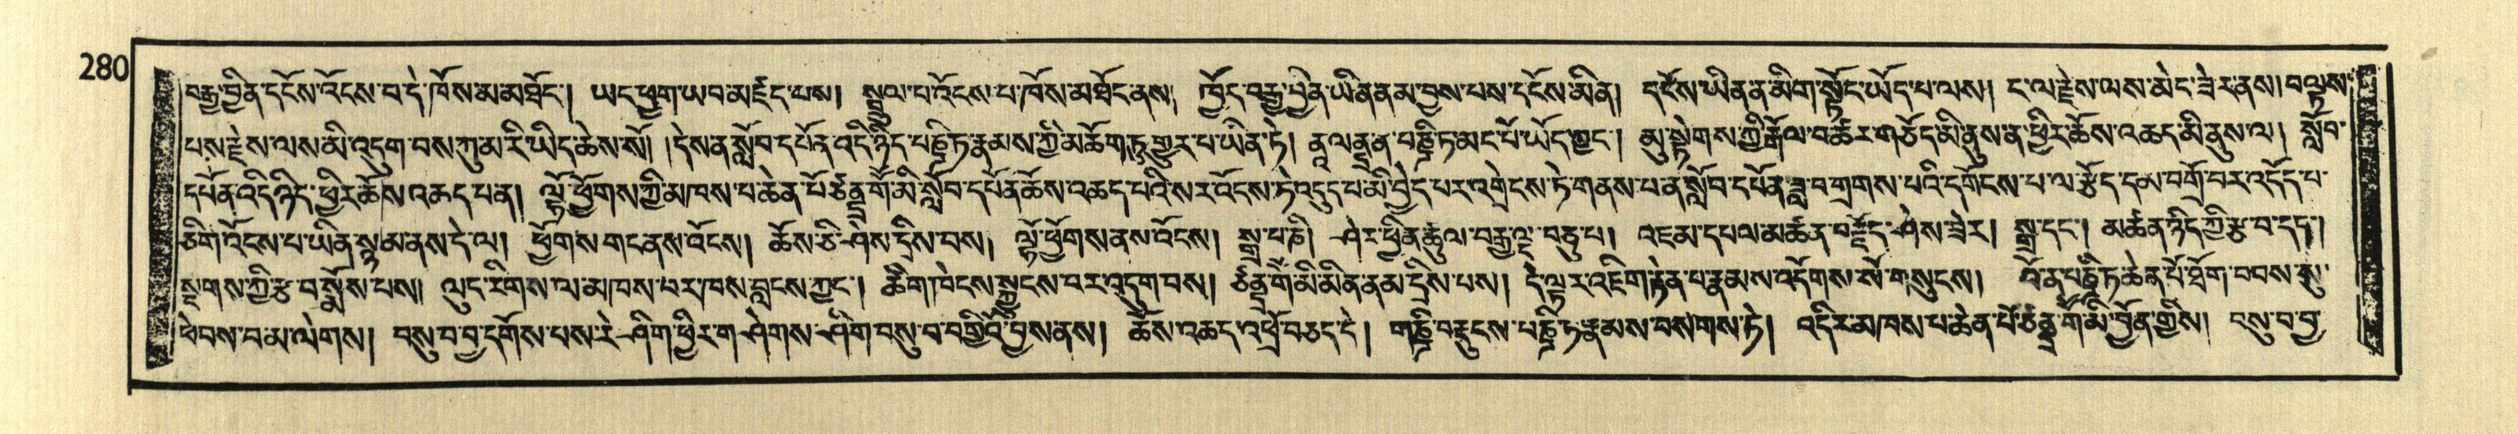བརྒྱ་བྱིན་དངོས་འོངས་བ་དེ་ཁོས་མ་མཐོང་། ཡང་ཕྱག་ཡབ་མཛད་པས། སྦྲུལ་པ་འོངས་པ་ཁོས་མཐོང་ནས། ཁྱོད་བརྒྱ་བྱིན་ཡིན་ནམ་བྱས་པས་དངོས་མིན། དངོས་ཡིན་ན་མིག་སྟོང་ཡོད་པ་ལས། ང་ལ་རྗེས་ལས་མེད་ཟེར་ནས། བལྟས་
པས་རྗེས་ལས་མི་འདུག་བས་ཀུ་མ་རི་ཡིད་ཆེས་སོ། །དེས་ན་སློབ་དཔོན་འདི་ཉིད་པཎྜི་ཏ་རྣམས་ཀྱི་མཆོག་ཏུ་གྱུར་པ་ཡིན་ཏེ། ནཱ་ལནྡྲ་ན་པཎྜི་ཏ་མང་པོ་ཡོད་ཀྱང་། མུ་སྟེགས་ཀྱི་རྒོལ་བ་ཚར་གཅོད་མི་ནུས་ན་ཕྱིར་ཆོས་འཆད་མི་ནུས་ལ། སློབ་
དཔོན་འདི་ཉིད་ཕྱིར་ཆོས་འཆད་པ་ན། ལྷོ་ཕྱོགས་ཀྱི་མཁས་པ་ཆེན་པོ་ཙནྡྲ་གཽ་མི་སློབ་དཔོན་ཆོས་འཆད་པའི་སར་འོངས་ཏེ་འདུད་པ་མི་བྱེད་པར་འགྲེངས་ཏེ་གནས་པ་ན་སློབ་དཔོན་ཟླ་བ་གྲགས་པའི་དགོངས་པ་ལ་རྩོད་དམ་བགྲོ་བར་འདོད་པ་
ཅིག་འོངས་པ་ཡིན་སྙམ་ནས་དེ་ལ། ཕྱོགས་གང་ནས་འོངས། ཆོས་ཅི་ཤེས་དྲིས་བས། ལྷོ་ཕྱོགས་ནས་འོངས། སྒྲ་པ་ཎི། ཤེར་ཕྱིན་ཚུལ་བརྒྱ་ལྔ་བཅུ་པ། འཇམ་དཔལ་མཚན་བརྗོད་ཤེས་ཟེར། སྒྲ་དང་། མཚན་ཉིད་ཀྱི་རྩ་བ་དང་།
སྔགས་ཀྱི་རྩ་བ་སྨོས་པས། ལུང་རིགས་ལ་མཁས་པར་ཁས་བླངས་ཀྱང་། ཚིག་ཁེངས་སྐྱུངས་བར་འདུག་བས། ཙནྡྲ་གཽ་མི་མིན་ནམ་དྲིས་པས། དེ་ལྟར་འཇིག་རྟེན་པ་རྣམས་འདོགས་སོ་གསུངས། འོ་ན་པཎྜི་ཏ་ཆེན་པོ་ཐོག་བབས་སུ་
ཕེབས་བ་མ་ལེགས། བསུ་བ་བྱ་དགོས་པས་རེ་ཤིག་ཕྱིར་གཤེགས་ཤིག་བསུ་བ་བགྱིའོ་བྱས་ནས། ཆོས་འཆད་འཕྲོ་བཅད་དེ། གཎྜི་བརྡུངས་པཎྜི་ཏ་རྣམས་བསགས་ཏེ། འདིར་མཁས་པ་ཆེན་པོ་ཙནྡྲ་གཽ་མི་བྱོན་གྱིས། བསུ་བ་བྱ་